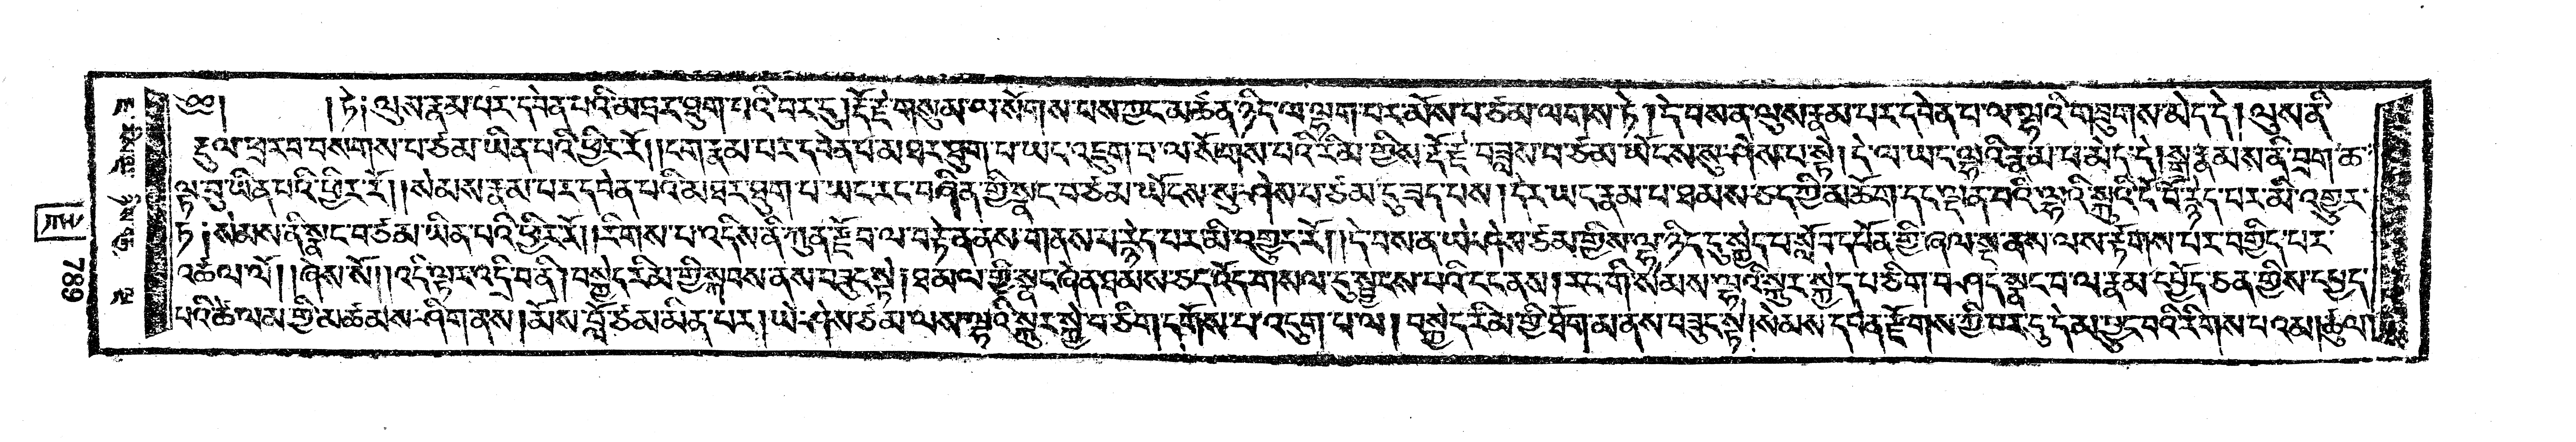༄༅། །ཏེ། ལུས་རྣམ་པར་དབེན་པའི་མཐར་ཐུག་པའི་བར་དུ། རྡོ་རྗེ་གསུམ་ལ་སོགས་པས་ཀྱང་མཚན་ཉིད་ལ་ལྷག་པར་མོས་པ་ཙམ་ལགས་ཏེ། དེ་བས་ན་ལུས་རྣམ་པར་དབེན་པ་ལ་ལྷའི་གཟུགས་མེད་དེ། ལུས་ནི་
རྡུལ་ཕྲ་རབ་བསགས་པ་ཙམ་ཡིན་པའི་ཕྱིར་རོ། །ངག་རྣམ་པར་དབེན་པ་མཐར་ཐུག་པ་ཡང་འཇུག་པ་ལ་སོགས་པའི་རིམ་གྱིས་རྡོ་རྗེ་བཟླས་པ་ཙམ་ཡོངས་སུ་ཤེས་པ་སྟེ། དེ་ལ་ཡང་ལྷའི་རྣམ་པ་མེད་དེ། སྒྲ་རྣམས་ནི་བྲག་ཆ་
ལྟ་བུ་ཡིན་པའི་ཕྱིར་རོ། །སེམས་རྣམ་པར་དབེན་པའི་མཐར་ཐུག་པ་ཡང་རང་བཞིན་གྱི་སྣང་བ་ཙམ་ཡོངས་སུ་ཤེས་པ་ཙམ་དུ་ཟད་པས། དེར་ཡང་རྣམ་པ་ཐམས་ཅད་ཀྱི་མཆོག་དང་ལྡན་པའི་ལྷའི་སྐུའི་ངོ་བོ་རྙེད་པར་མི་འགྱུར་
ཏེ། སེམས་ནི་སྣང་བ་ཙམ་ཡིན་པའི་ཕྱིར་རོ། །རིགས་པ་འདིས་ནི་ཀུན་རྫོབ་ལ་བརྟེན་ནས་གནས་པ་རྙེད་པར་མི་འགྱུར་རོ། །དེ་བས་ན་ཡེ་ཤེས་ཙམ་གྱིས་ལྷ་ཉིད་དུ་སྐྱེད་པ་སློབ་དཔོན་གྱི་ཞལ་སྣག་ནས་ལས་རྟོགས་པར་བགྱེད་པར་
འཚལ་ལོ། །ཞེས་སོ། །འདི་ལྟར་འདྲི་བ་ནི། བསྐྱེད་རིམ་གྱི་སྐབས་ནས་བཟུང་སྟེ། ཐ་མལ་གྱི་སྣང་ཞེན་ཐམས་ཅད་འོད་གསལ་དུ་སྦྱངས་པའི་ངང་ནས། རང་གི་སེམས་ལྷའི་སྐུར་སྐྱེད་པ་ཅིག་བཤད་སྣང་བ་ལ་རྣམ་དཔྱོད་ཅན་གྱིས་དཔྱད་
པའི་ཆེ་ལམ་གྱི་མཚམས་ཤིག་ནས། མོས་བློ་ཙམ་མིན་པར། ཡེ་ཤེས་ཙམ་ལས་ལྷའི་སྐུར་སྐྱེ་བ་ཅིག་དགོས་པ་འདུག་པ་ལ། བསྐྱེད་རིམ་གྱི་ཐོག་མ་ནས་བཟུང་སྟེ། སེམས་དབེན་རྫོགས་ཀྱི་བར་དུ་དེ་མ་བྱུང་བའི་རིགས་པའམ། ཆུལ་